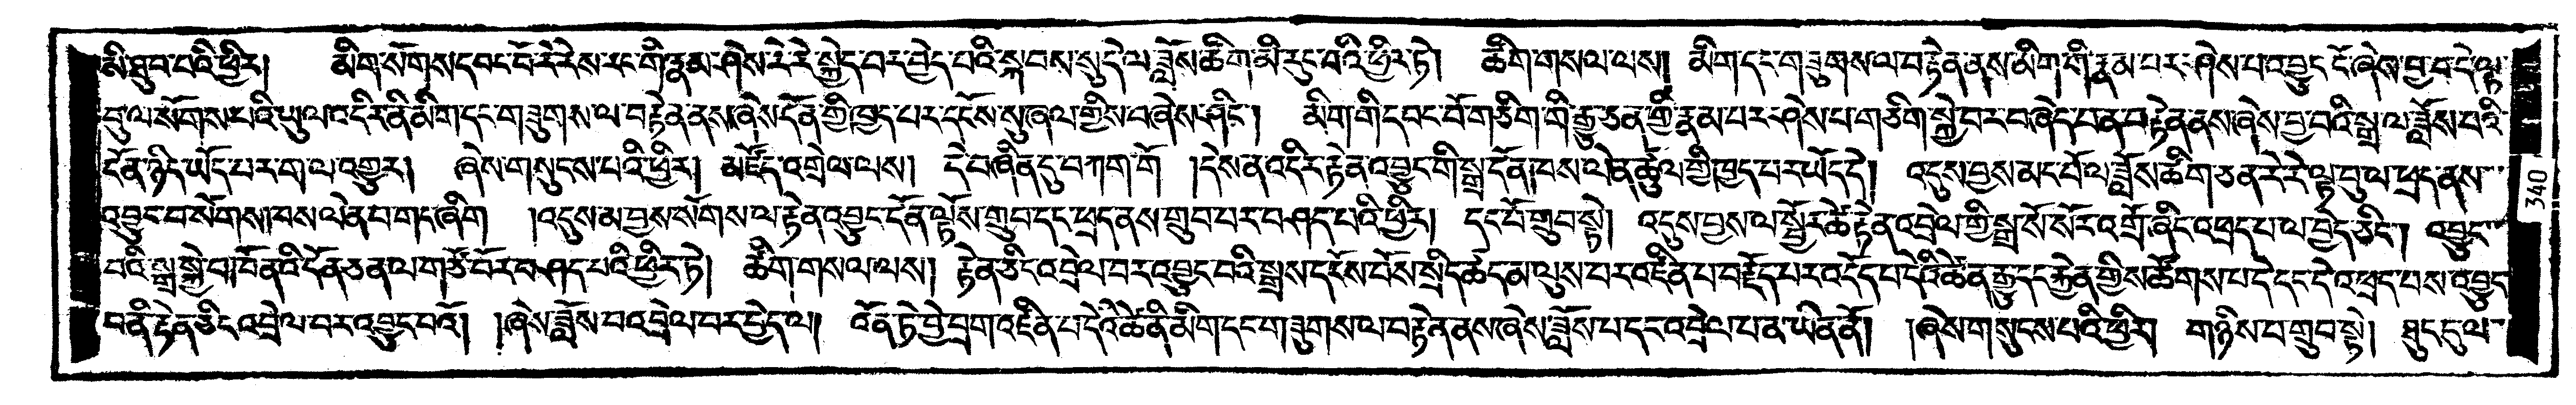མི་ཐུབ་པའི་ཕྱིར། མིག་སོགས་དབང་པོ་རེ་རེས་རང་གི་རྣམ་ཤེས་རེ་རེ་སྐྱེད་བར་བྱེད་པའི་སྐབས་སུ་དེ་ལ་ཟློས་ཚིག་མི་རུང་བའི་ཕྱིར་ཏེ། ཚིག་གསལ་ལས། མིག་དང་གཟུགས་ལ་བརྟེན་ནས་མིག་གི་རྣམ་པར་ཤེས་པ་འབྱུང་ངོ་ཞེས་བྱ་བ་དེ་ལྟ་
བུ་ལ་སོགས་པའི་ཕུལ་འདིར་ནི་མིག་དང་གཟུགས་ལ་བརྟེན་ནས་ཞེས་དོན་གྱི་ཁྱད་པར་དངོས་སུ་ཞལ་གྱིས་བཞེས་ཤིང་། མིག་གི་དབང་བོ་གཅིག་གི་རྒྱུ་ཅན་གྱི་རྣམ་པར་ཤེས་པ་གཅིག་སྐྱེ་བར་བཞེད་པ་ན་བརྟེན་ནས་ཞེས་བྱ་བའི་སྒྲ་ལ་ཟློས་པའི་
དོན་ཉིད་ཡོད་པར་ག་ལ་འགྱུར། ཞེས་གསུངས་པའི་ཕྱིར། མཛོད་འགྲེལ་ལས། དེ་བཞིན་དུ་བཀག་གོ །དེས་ན་འདིར་རྟེན་འབྱུང་གི་སྒྲ་དོན་ཁས་ལེན་ཚུལ་གྱི་ཁྱད་པར་ཡོད་དེ། འདུས་བྱས་མང་པོ་ལ་ཟློས་ཚིག་ཅན་རེ་རེ་ལྟ་བུ་ལ་ཕྲད་ནས་
འབྱུང་བ་སོགས་ཁས་ལེན་པ་གང་ཞིག །འདུས་མ་བྱས་སོགས་ལ་རྟེན་འབྱུང་དོན་ལྟོས་གྲུབ་དང་ཕྲད་ནས་གྲུབ་པར་བཤད་པའི་ཕྱིར། དང་པོ་གྲུབ་སྟེ། འདུས་བྱས་ལ་སྦྱོར་ཚེ་རྟེན་འབྲེལ་གྱི་སྒྲ་སོ་སོར་འགྲོ་ཞིང་འཕྲད་པ་ལ་བྱེད་ཅིང་། འབྱུང་
བའི་སྒྲ་སྐྱེ་བ་ཁོ་ནའི་དོན་ཅན་ལ་གཙོ་བོར་བཤད་པའི་ཕྱིར་ཏེ། ཚིག་གསལ་ལས། རྟེན་ཅིང་འབྲེལ་བར་འབྱུང་བའི་སྒྲས་དངོས་པོས་སྲིད་ཚད་མ་ལུས་པར་འཛིན་པ་བརྗོད་པར་འདོད་པ་དེའི་ཚེ་ན་རྒྱུ་དང་རྐྱེན་གྱིས་ཚོགས་པ་དེ་དང་དེ་འཕྲད་པས་འབྱུང་
བ་ནི་རྟེན་ཅིང་འབྲེལ་བར་འབྱུང་བའོ། །ཞེས་ཟློས་པ་འབྲེལ་བར་བྱེད་ལ། འོན་ཏེ་བྱེ་བྲག་འཛིན་པ་དེའི་ཚེ་ནི་མིག་དང་གཟུགས་ལ་བརྟེན་ནས་ཞེས་ཟློས་པ་དང་འབྲེལ་པ་མ་ཡིན་ནོ། །ཞེས་གསུངས་པའི་ཕྱིར། གཉིས་པ་གྲུབ་སྟེ། ཐུང་ངུ་ལ་